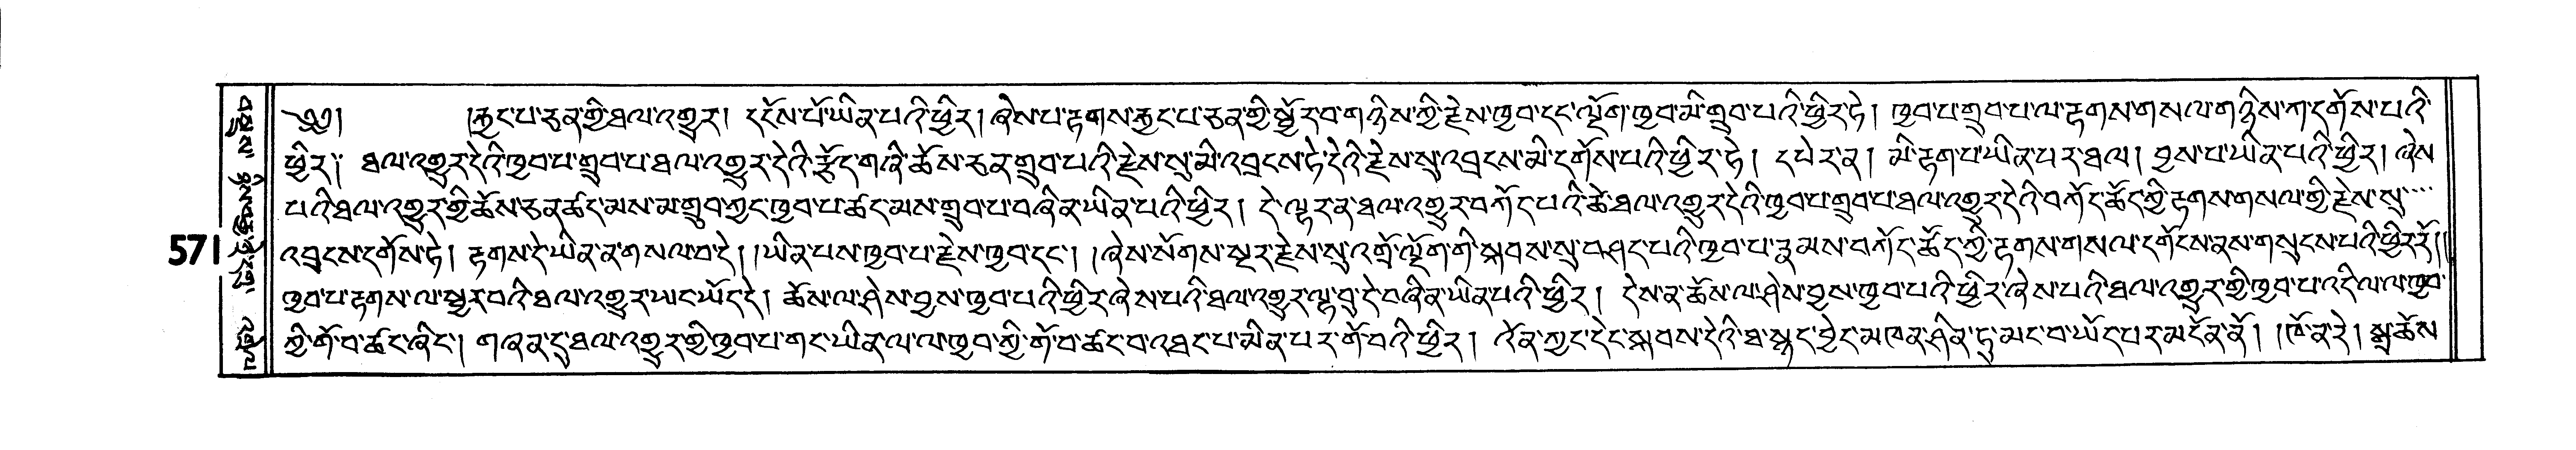༄༅། །རྐྱང་པ་ཅན་གྱི་ཐལ་འགྱུར། དངོས་པོ་ཡིན་པའི་ཕྱིར། ཞེས་པ་རྟགས་རྐྱང་པ་ཅན་གྱི་སྦྱོར་བ་གཉིས་ཀྱི་རྗེས་ཁྱབ་དང་ལྡོག་ཁྱབ་མི་གྲུབ་པའི་ཕྱིར་ཏེ། ཁྱབ་པ་གྲུབ་པ་ལ་རྟགས་གསལ་གཉིས་ཀ་དགོས་པའི་
ཕྱིར༑ ཐལ་འགྱུར་དེའི་ཁྱབ་པ་གྲུབ་པ་ཐལ་འགྱུར་དེའི་རྩོད་གཞི་ཆོས་ཅན་གྲུབ་པའི་རྗེས་སུ་མི་འབྲངས་ཏེ་དེའི་རྗེས་སུ་འབྲངས་མི་དགོས་པའི་ཕྱིར་ཏེ། དཔེར་ན། མི་རྟག་པ་ཡིན་པར་ཐལ། བྱས་པ་ཡིན་པའི་ཕྱིར། ཞེས་
པའི་ཐལ་འགྱུར་གྱི་ཆོས་ཅན་ཚད་མས་མ་གྲུབ་ཀྱང་ཁྱབ་པ་ཚད་མས་གྲུབ་པ་བཞིན་ཡིན་པའི་ཕྱིར། དེ་ལྟར་ན་ཐལ་འགྱུར་བཀོད་པའི་ཚེ་ཐལ་འགྱུར་དེའི་ཁྱབ་པ་གྲུབ་པ་ཐལ་འགྱུར་དེའི་བཀོད་ཆོད་ཀྱི་རྟགས་གསལ་གྱི་རྗེས་སུ་
འབྲངས་དགོས་ཏེ། རྟགས་དེ་ཡིན་ན་གསལ་བ་དེ། །ཡིན་པས་ཁྱབ་པ་རྗེས་ཁྱབ་དང་། །ཞེས་སོགས་སྔར་རྗེས་སུ་འགྲོ་ལྡོག་གི་སྐབས་སུ་བཤད་པའི་ཁྱབ་པ་རྣམས་བཀོད་ཚོད་ཀྱི་རྟགས་གསལ་དགོངས་ནས་གསུངས་པའི་ཕྱིར་རོ།།
ཁྱབ་པ་རྟགས་ལ་སྦྱར་བའི་ཐལ་འགྱུར་ཡང་ཡོད་དེ། ཆོས་ལ་ཤེས་བྱས་ཁྱབ་པའི་ཕྱིར་ཞེས་པའི་ཐལ་འགྱུར་ལྟ་བུ་དེ་བཞིན་ཡིན་པའི་ཕྱིར། དེས་ན་ཆོས་ལ་ཤེས་བྱས་ཁྱབ་པའི་ཕྱིར་ཞེས་པའི་ཐལ་འགྱུར་གྱི་ཁྱབ་པ་འདི་ལ་ལ་ཁྱབ་
ཀྱི་གོ་བ་ཚང་ཞིང་། གཞན་དུ་ཐལ་འགྱུར་གྱི་ཁྱབ་པ་གང་ཡིན་ལ་ལ་ཁྱབ་ཀྱི་གོ་བ་ཚང་བ་འཐང་བ་མིན་པར་གོ་བའི་ཕྱིར། འོན་ཀྱང་དེང་སྐབས་དེའི་ཐ་སྙད་བྱེད་མཁན་ཤིན་ཏུ་མང་བ་ཡོད་པར་མངོན་ནོ། །ཁོ་ན་རེ། སྒྲ་ཆོས་